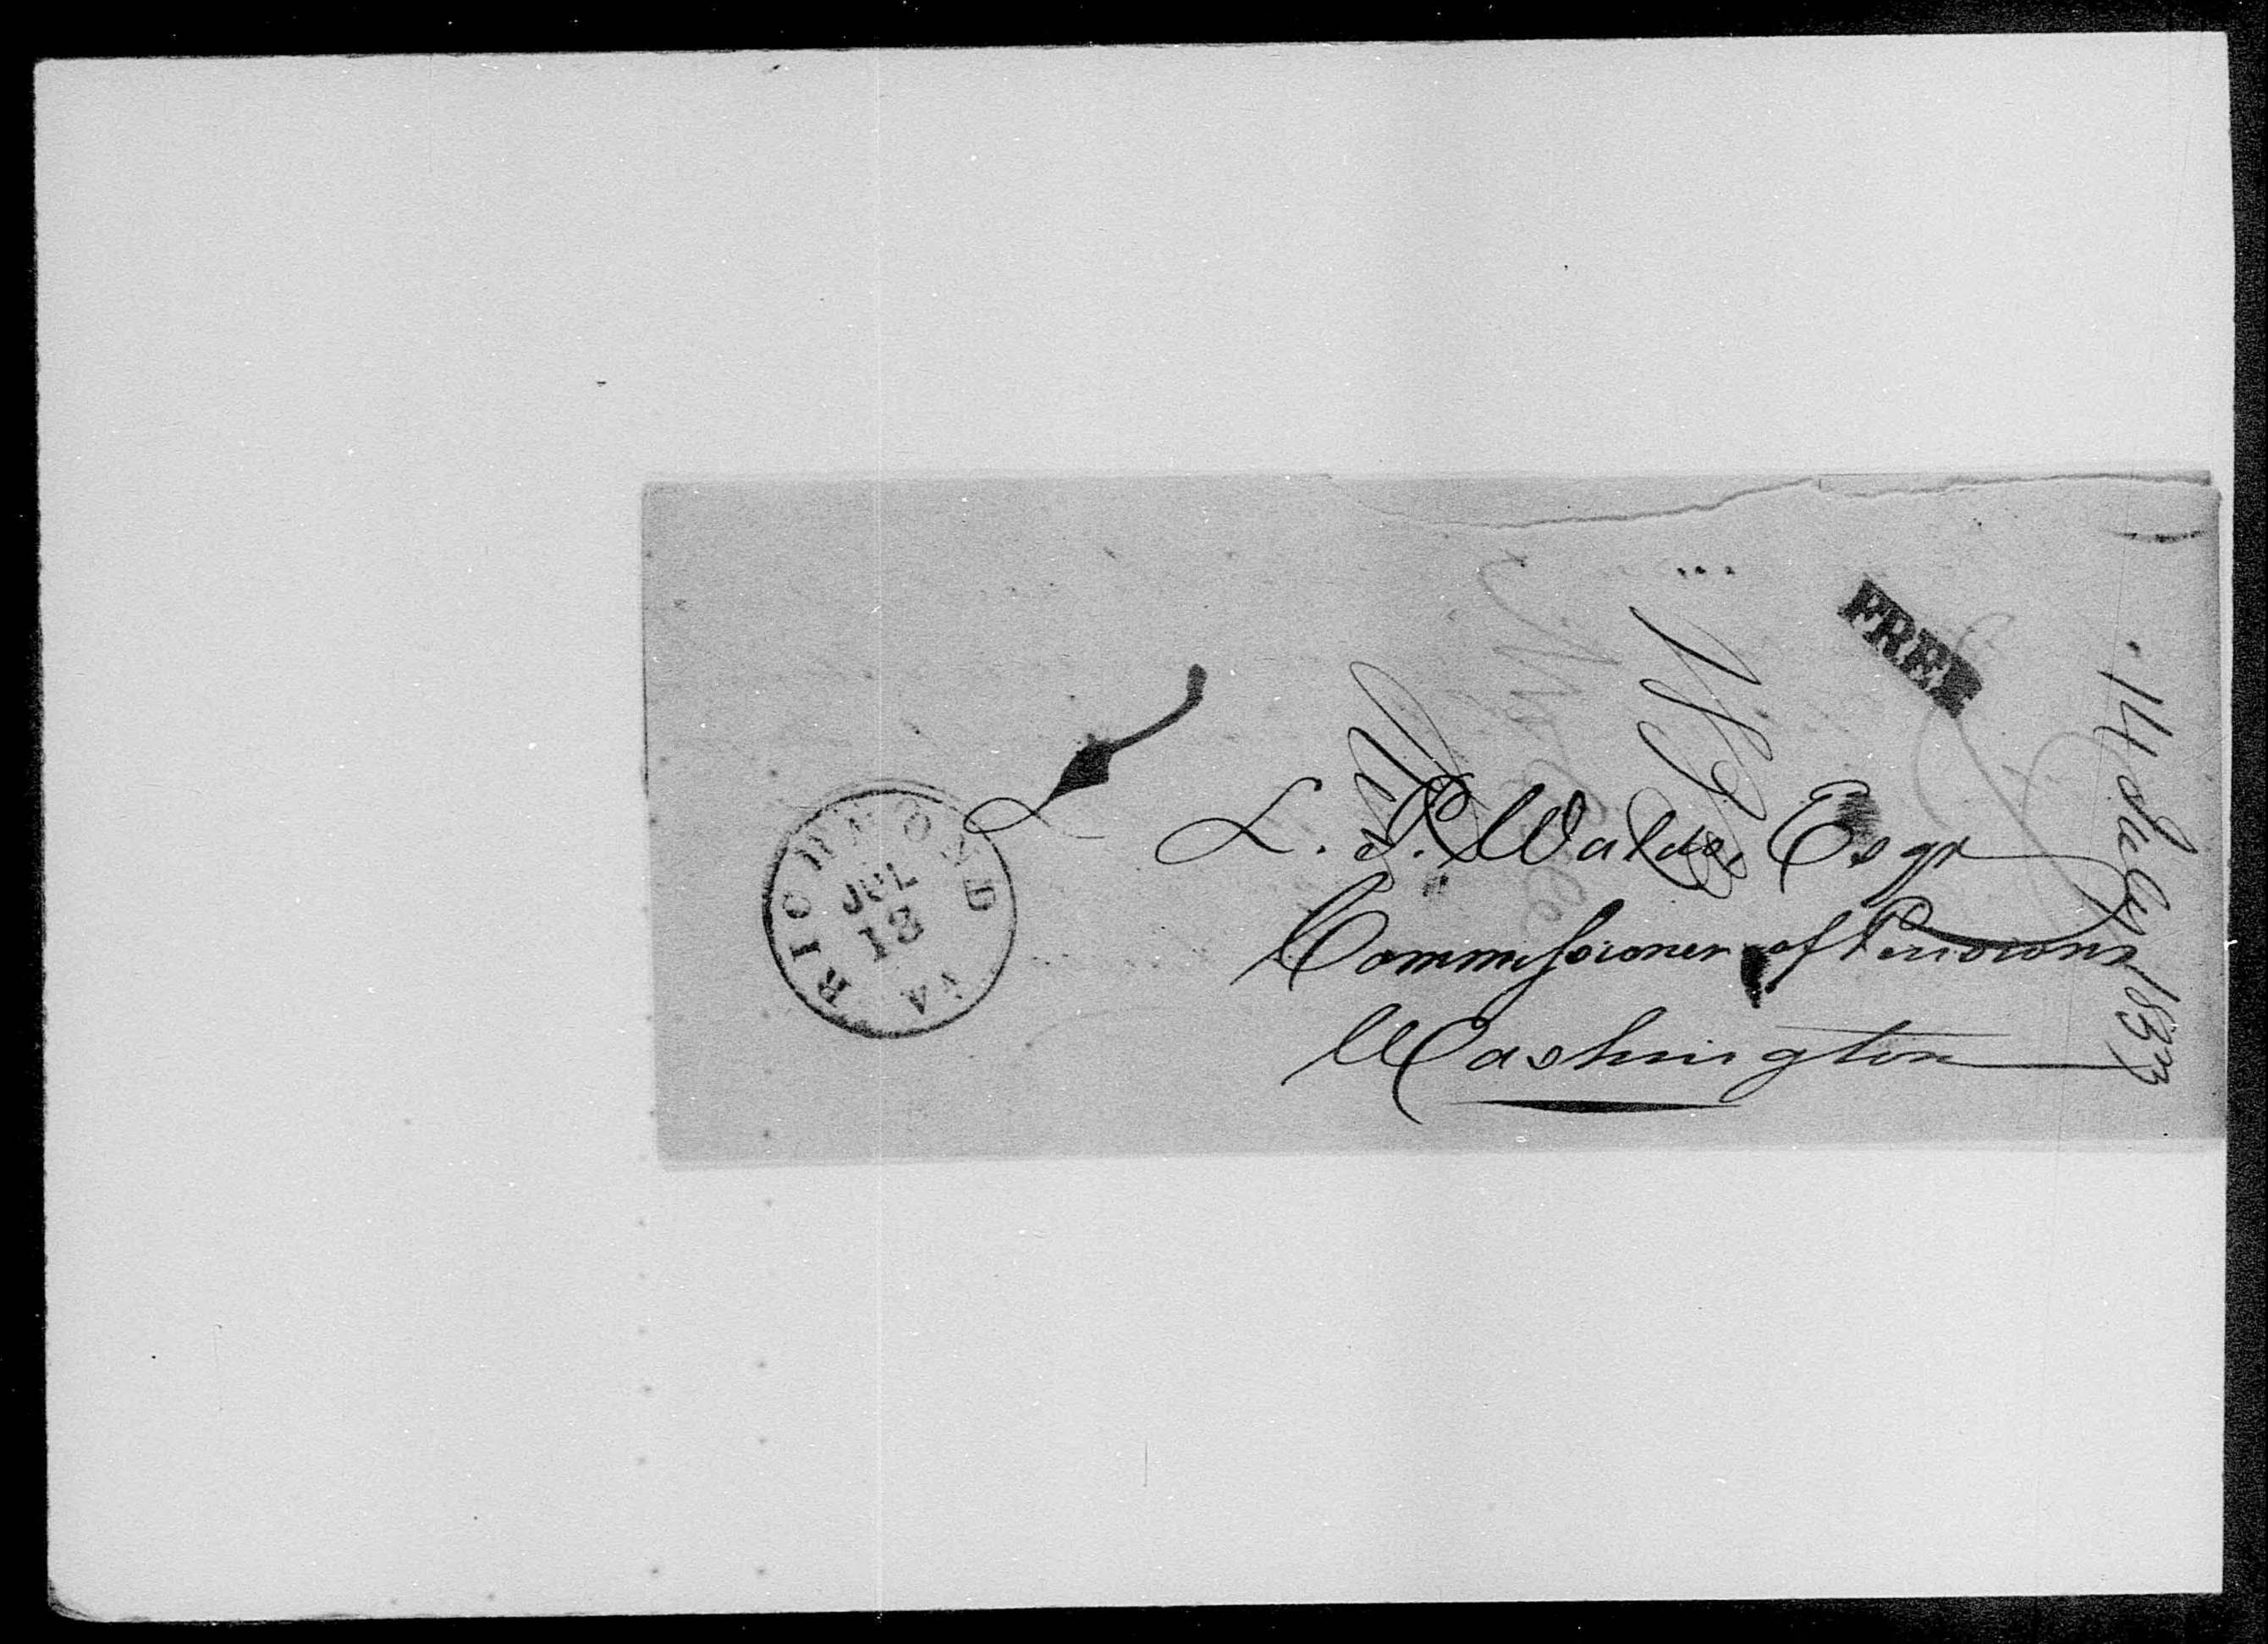[envelope]

FREE

L. P. Waldo, Esqr.
Commissioner of Pensions
Washington

14 July 1833

[stamped - RICHMOND JUL 13 VA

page: 19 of 33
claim: widow's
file: W. 550, for Leonard Hutts, Virginia